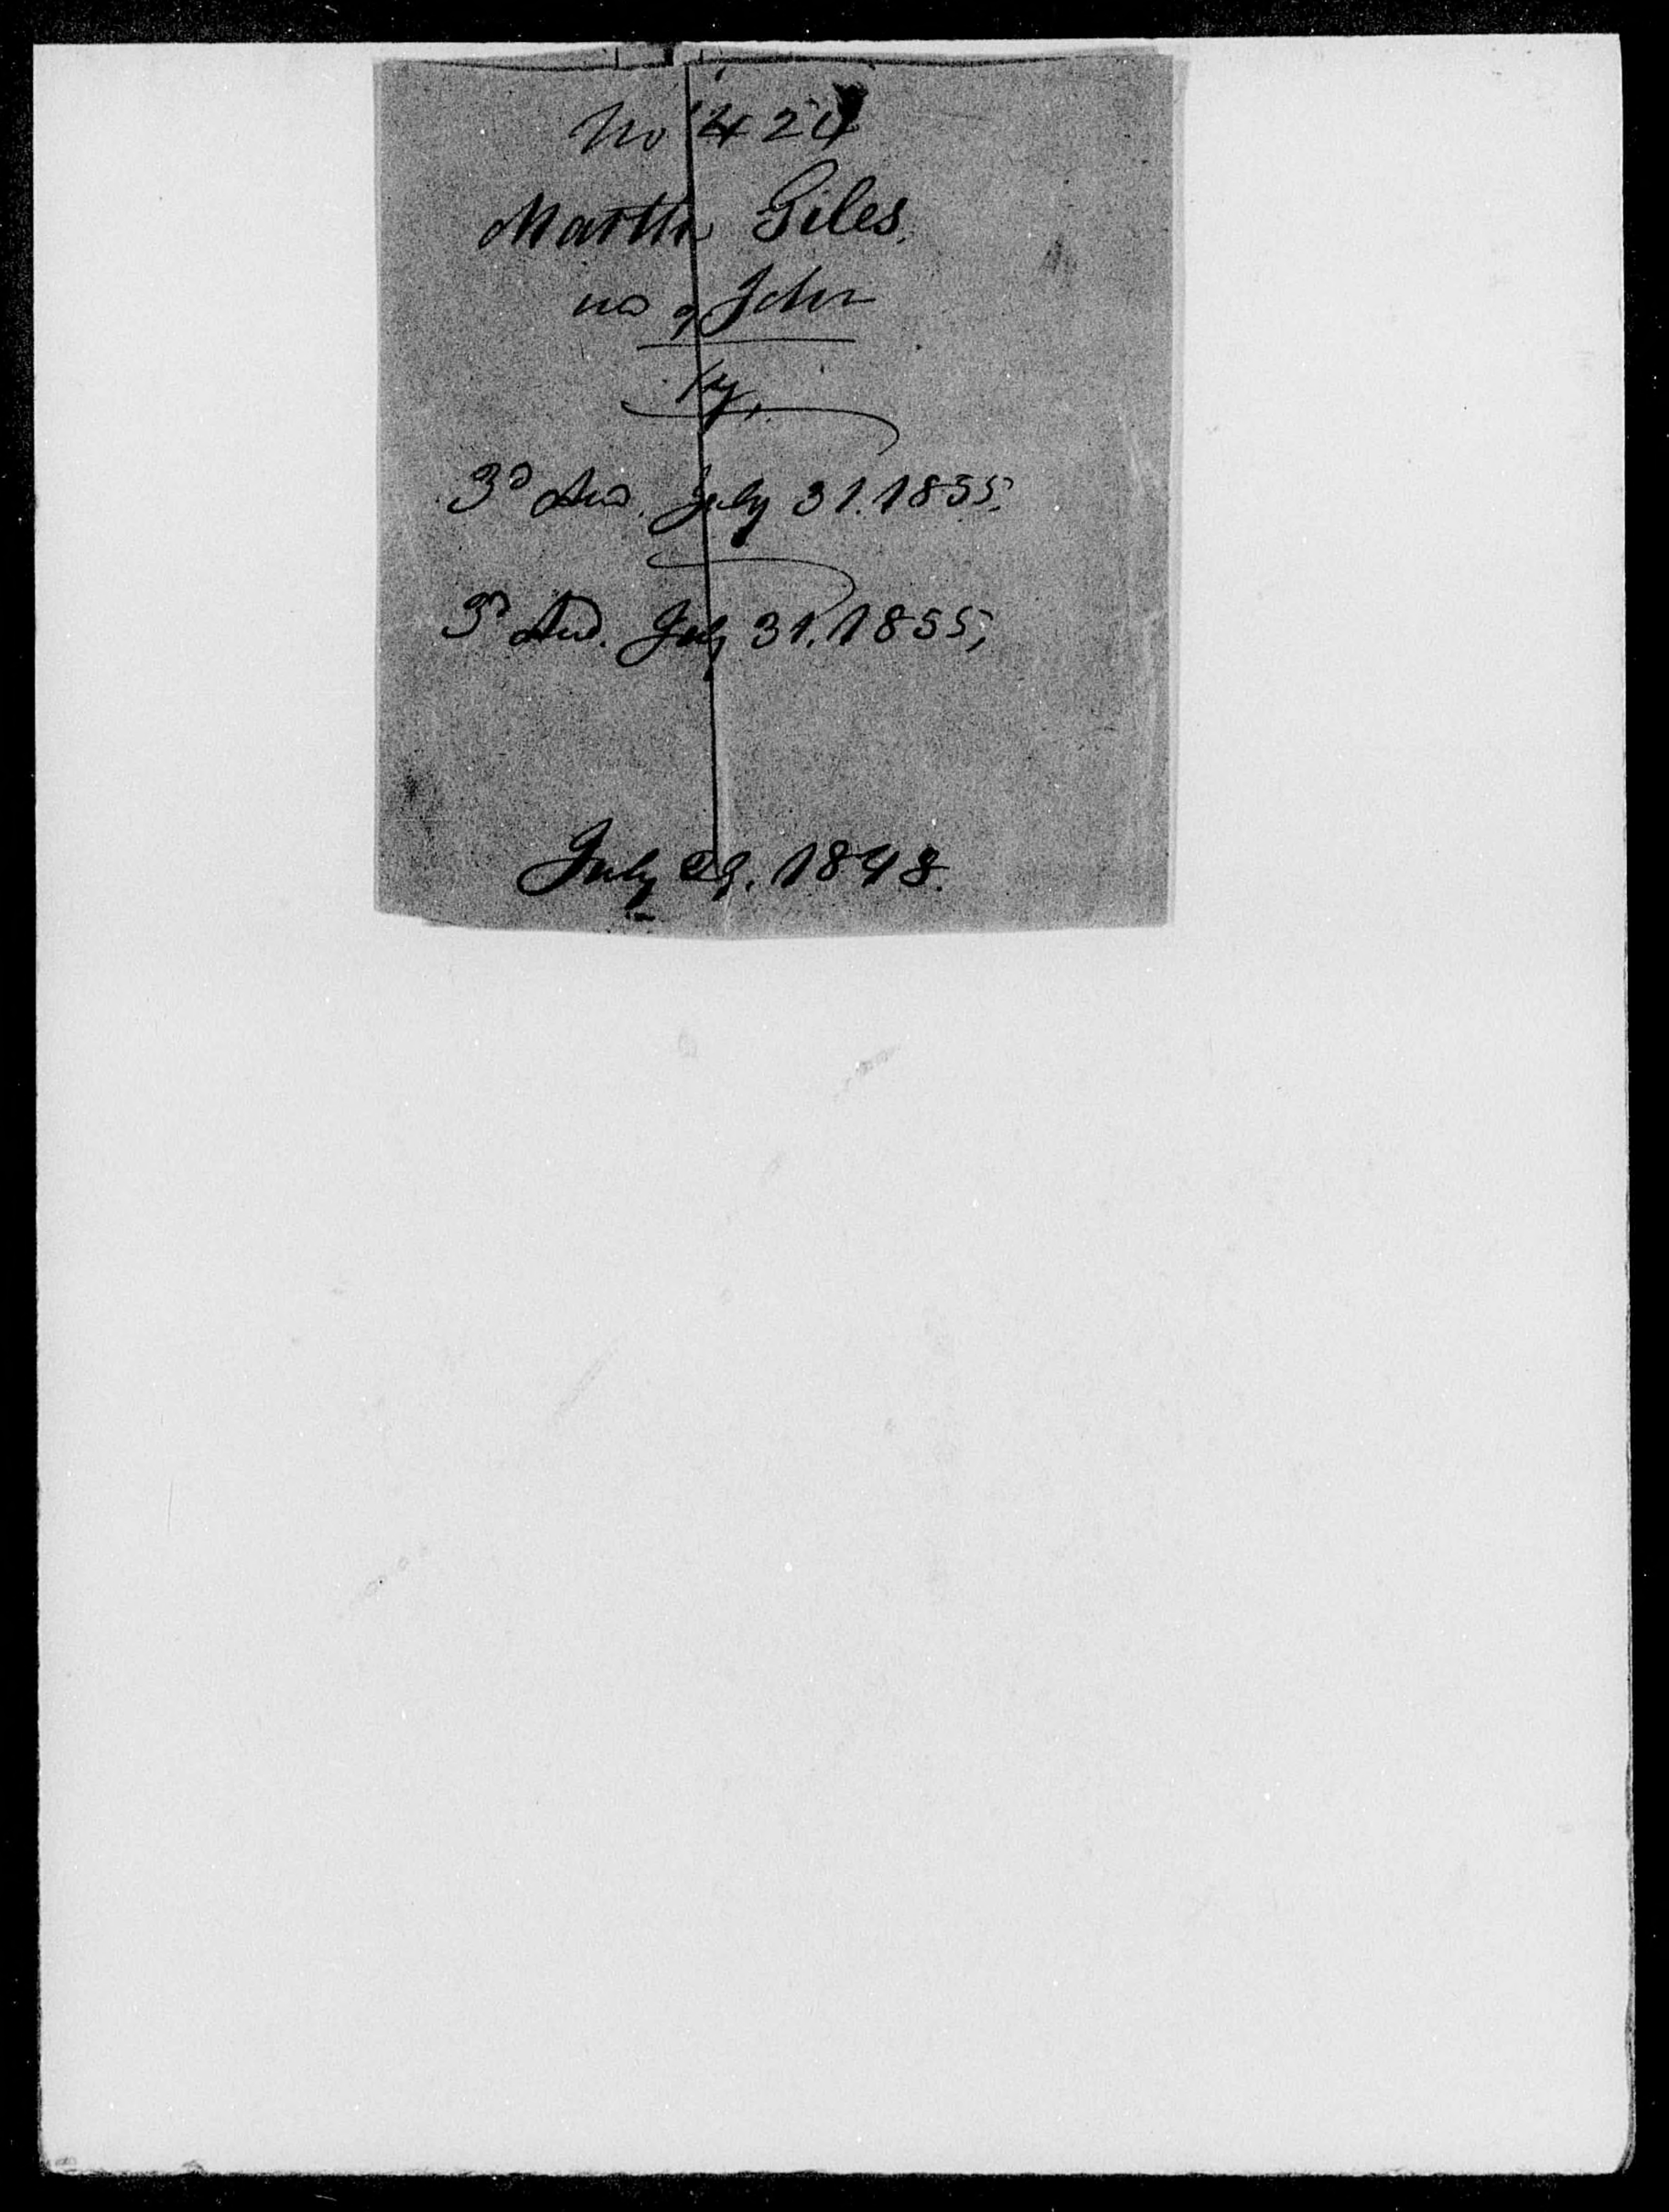No 1424
Martha Giles
Wid of John
by
3rd Act July 31, 1855.
3rd Act July 31, 1855,


July 23, 1843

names: Martha Giles, John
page: 46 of 82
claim: widow's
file: W. 7,522, John Giles, N.C.